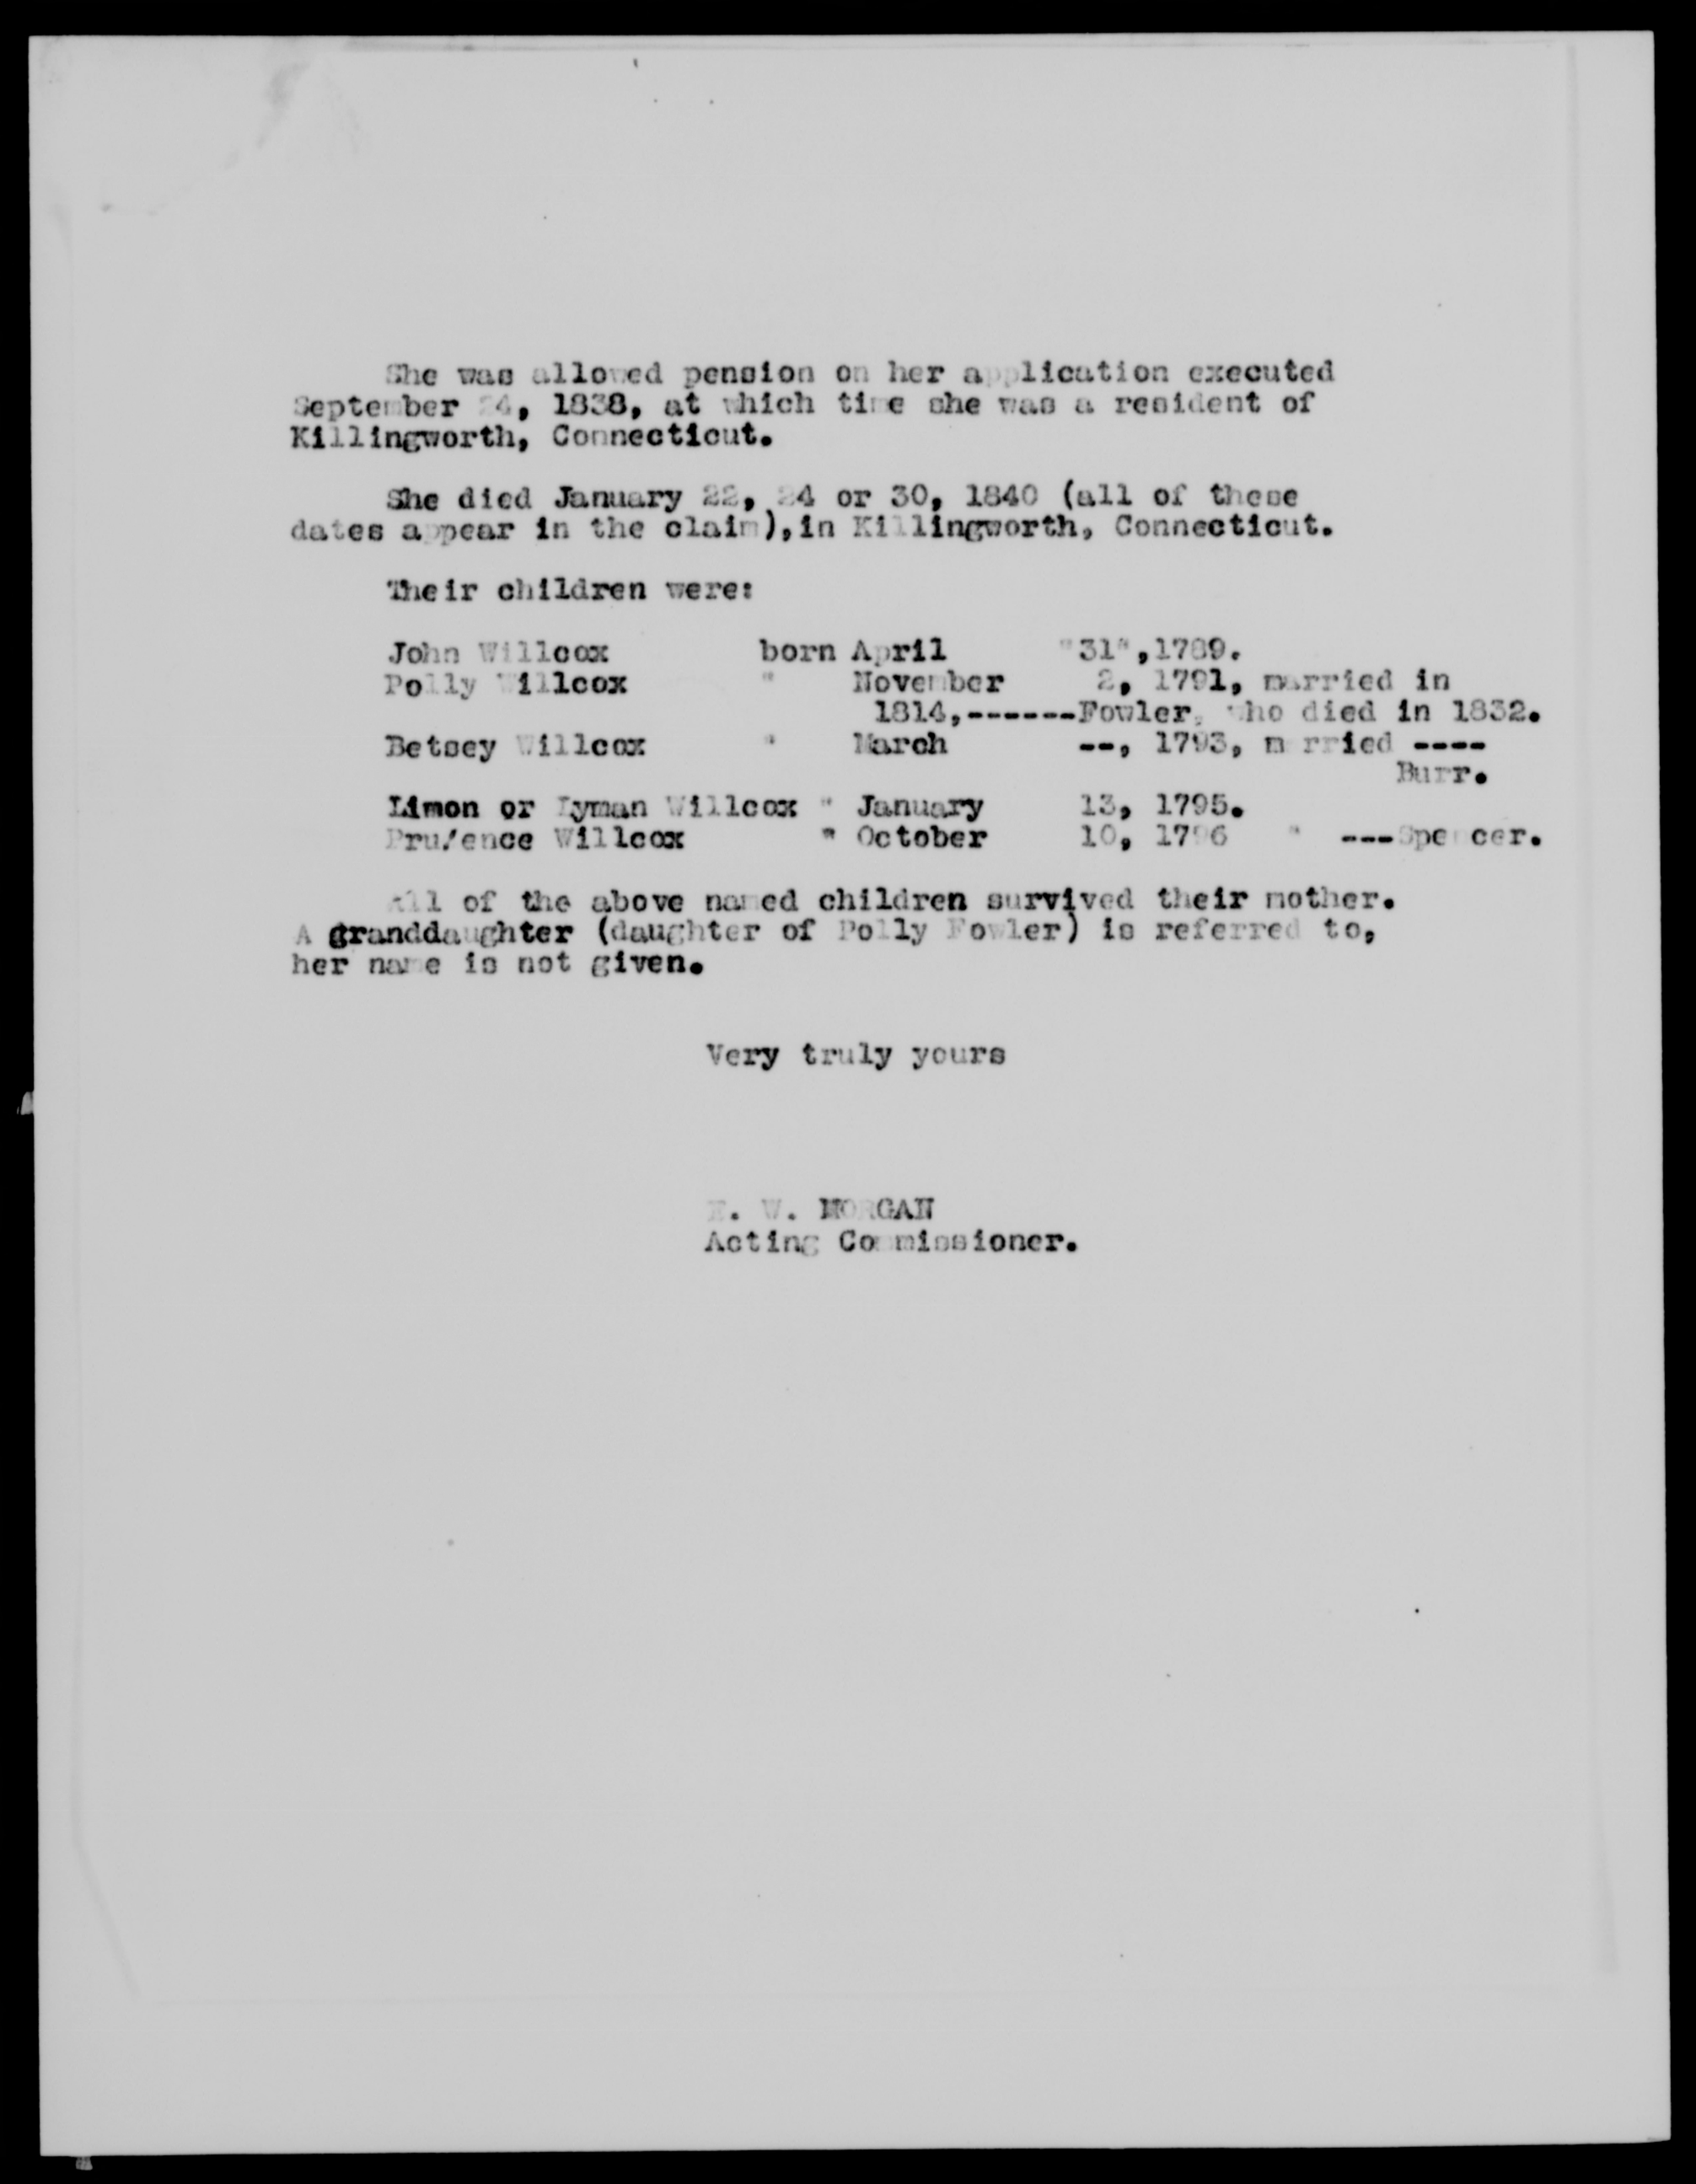She was allowed pension on her application executed September 24, 1838, at which time she was a resident of Killingworth, Connecticut.

She died January 22, 24 or 30, 1840 (all of these dates appear in the claim), in Killingworth, Connecticut.

Their children were:
John Willcox     born April "31", 1789.
Polly Willcox        "   November 2, 1791, married in 1814,  ----- Fowler, who died in 1832.
Betsey Willcox     " March  --, 1793, married ---
Burr.
Limon or Lyman Willcox "    January 13, 1795.
Prudence Willcox   "  October  10, 1796 married ---- Spencer.

All of the above named children survived their mother.  A granddaughter (daughter of Polly Fowler) us referred to, her name is not given.

Very Truly yours

E. W. MORGAN
Acting Commissioner.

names: Lyman Willcox, Betsey Willcox, John Willcox, Polly Willcox, Polly Fowler, E W Morgan, Limon Willcox, Prudence Willcox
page: 29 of 46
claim: widow's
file: W. 18,417, James Willcox, Conn.